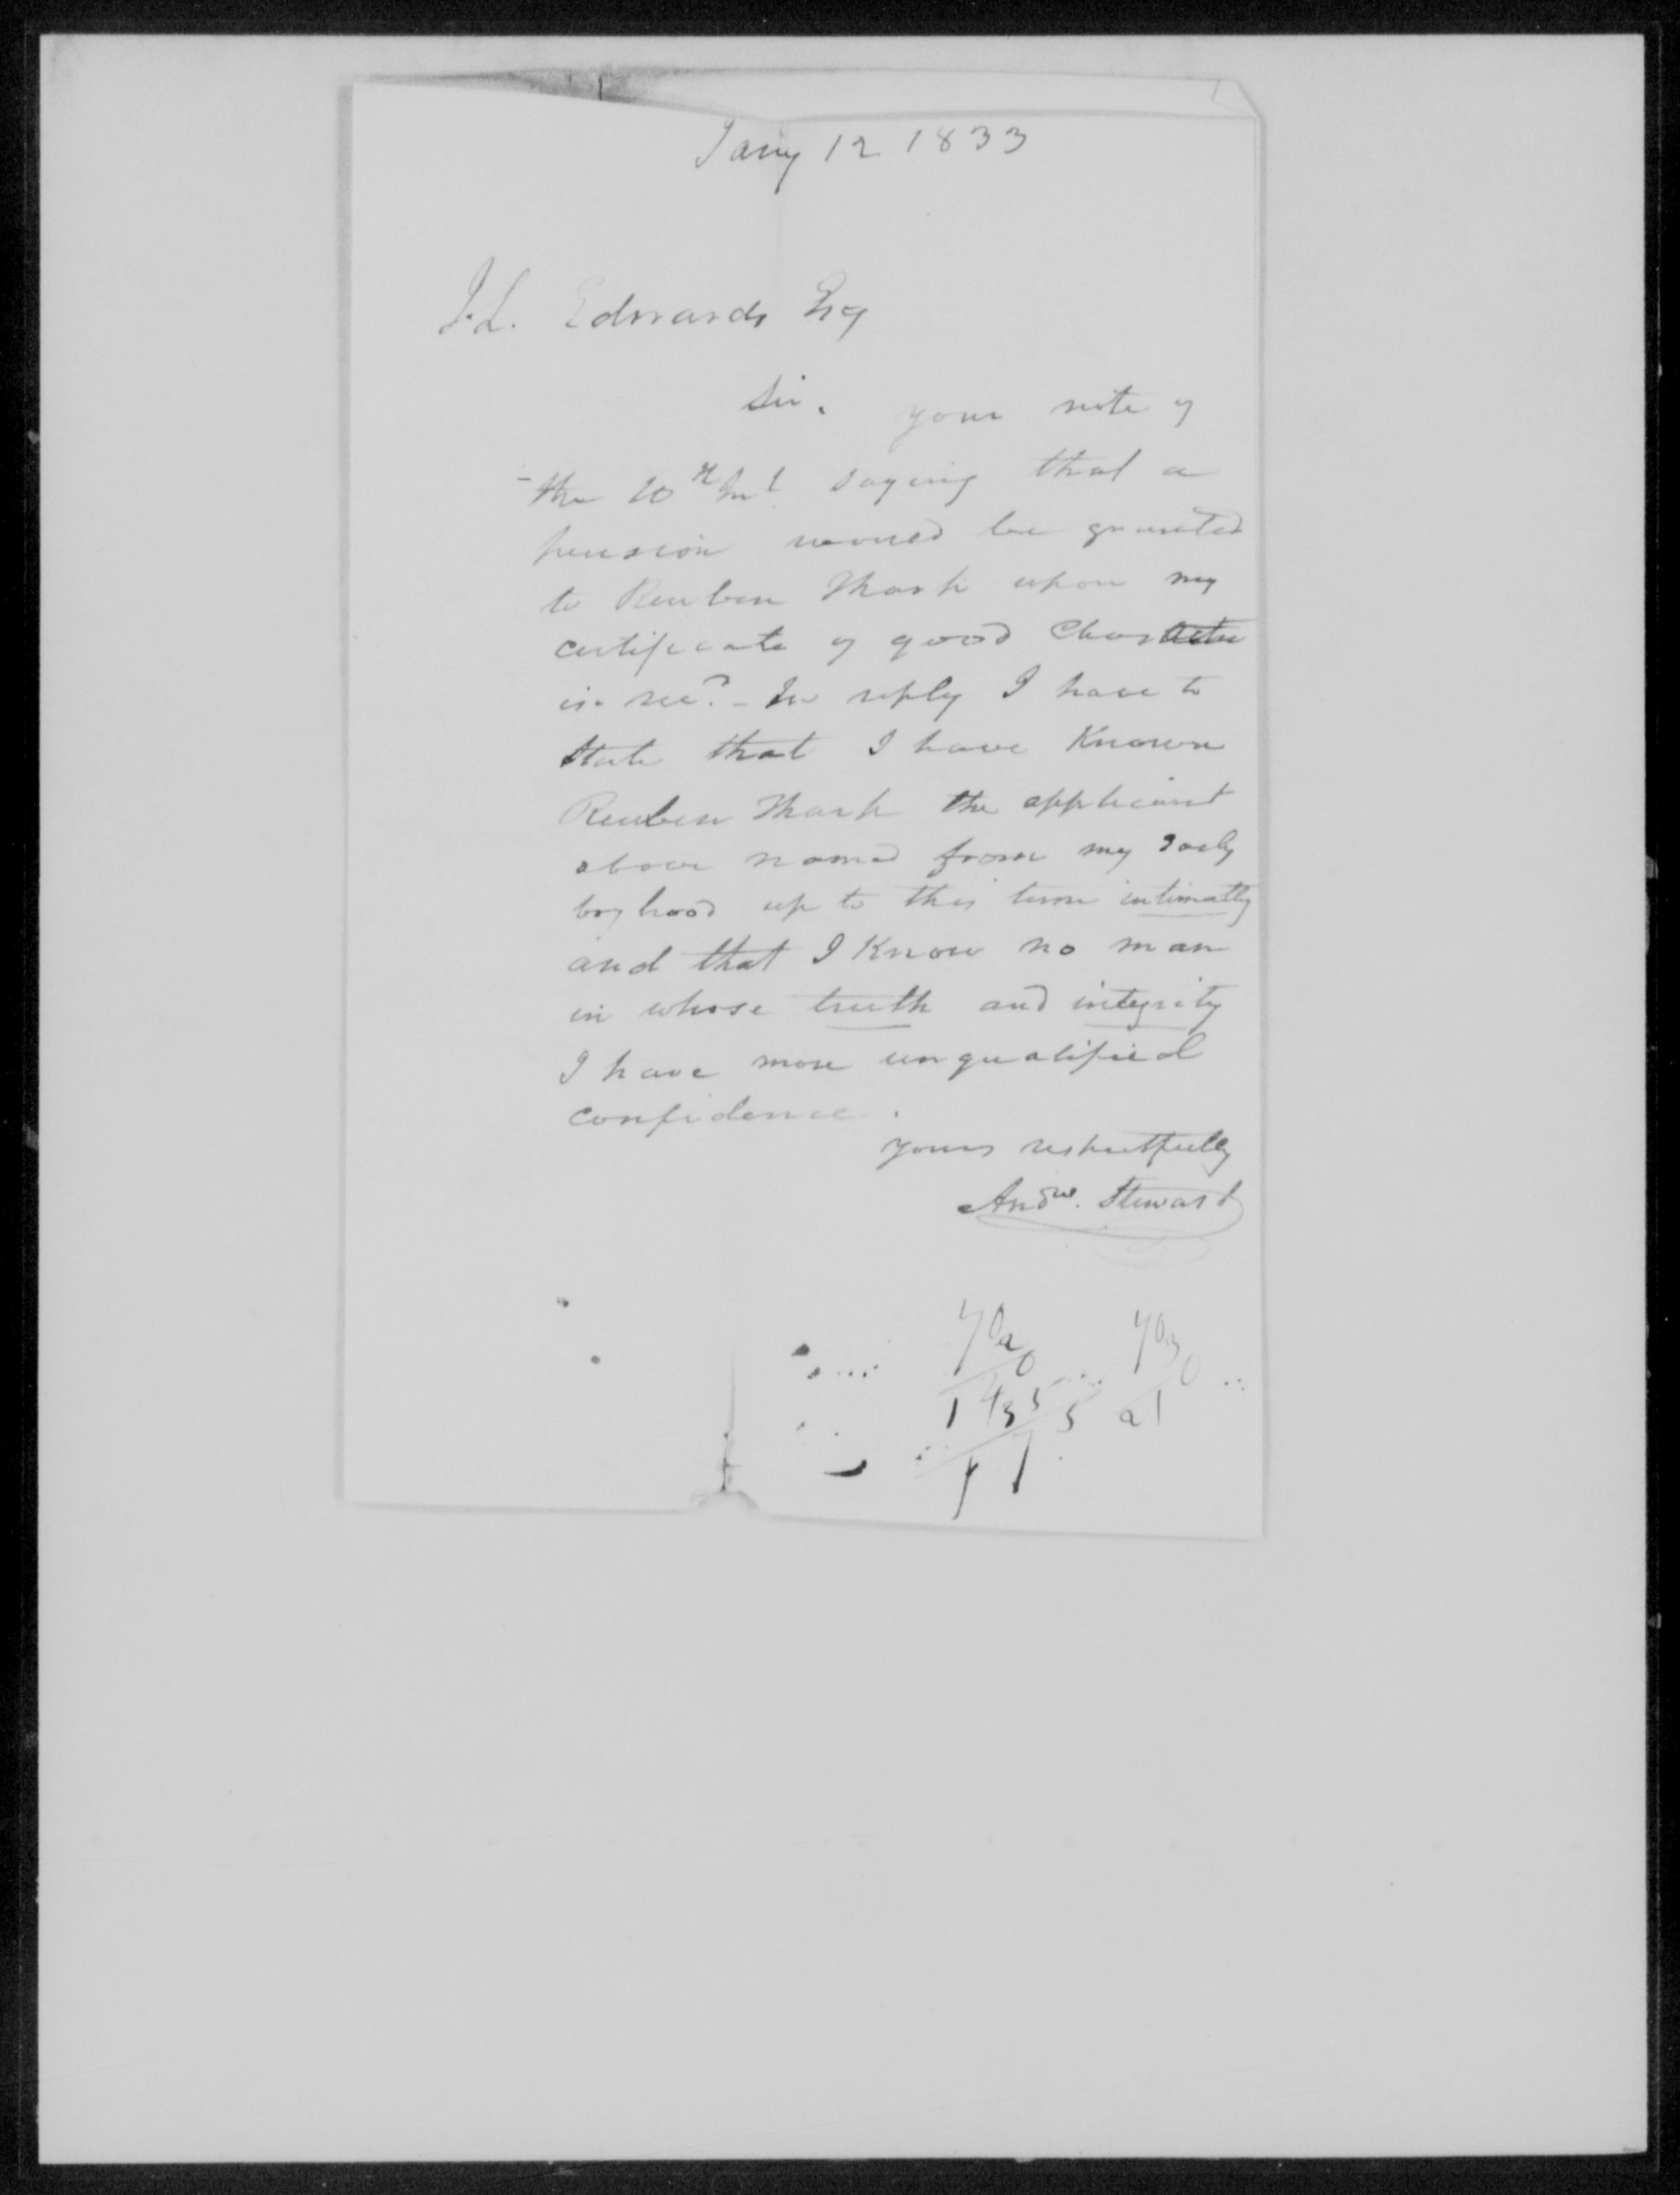Jany 12 1833

J.L. EdwardsEsq

Sir,  your note of the 10th it saying that a
pension would be granted to Reuben Thorp upon my certificate of good character is recd. In reply I have to State that I have known Reuben Thorp the applicant above named from my early
boyhood up to this time intimately and that I know no man in whose truth and integrity I have
more unqualified confidence.

Yours respectfully
Andw. Stewart


  70
    2
___
140
  35
____
175

  70
    3
___
210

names: Reuben Tharp; Reuben Tharp; J L Edwards; Andw Stewart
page: 16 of 28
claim: survivor's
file: S. 6229, for Reuben Thorp, New Jersey